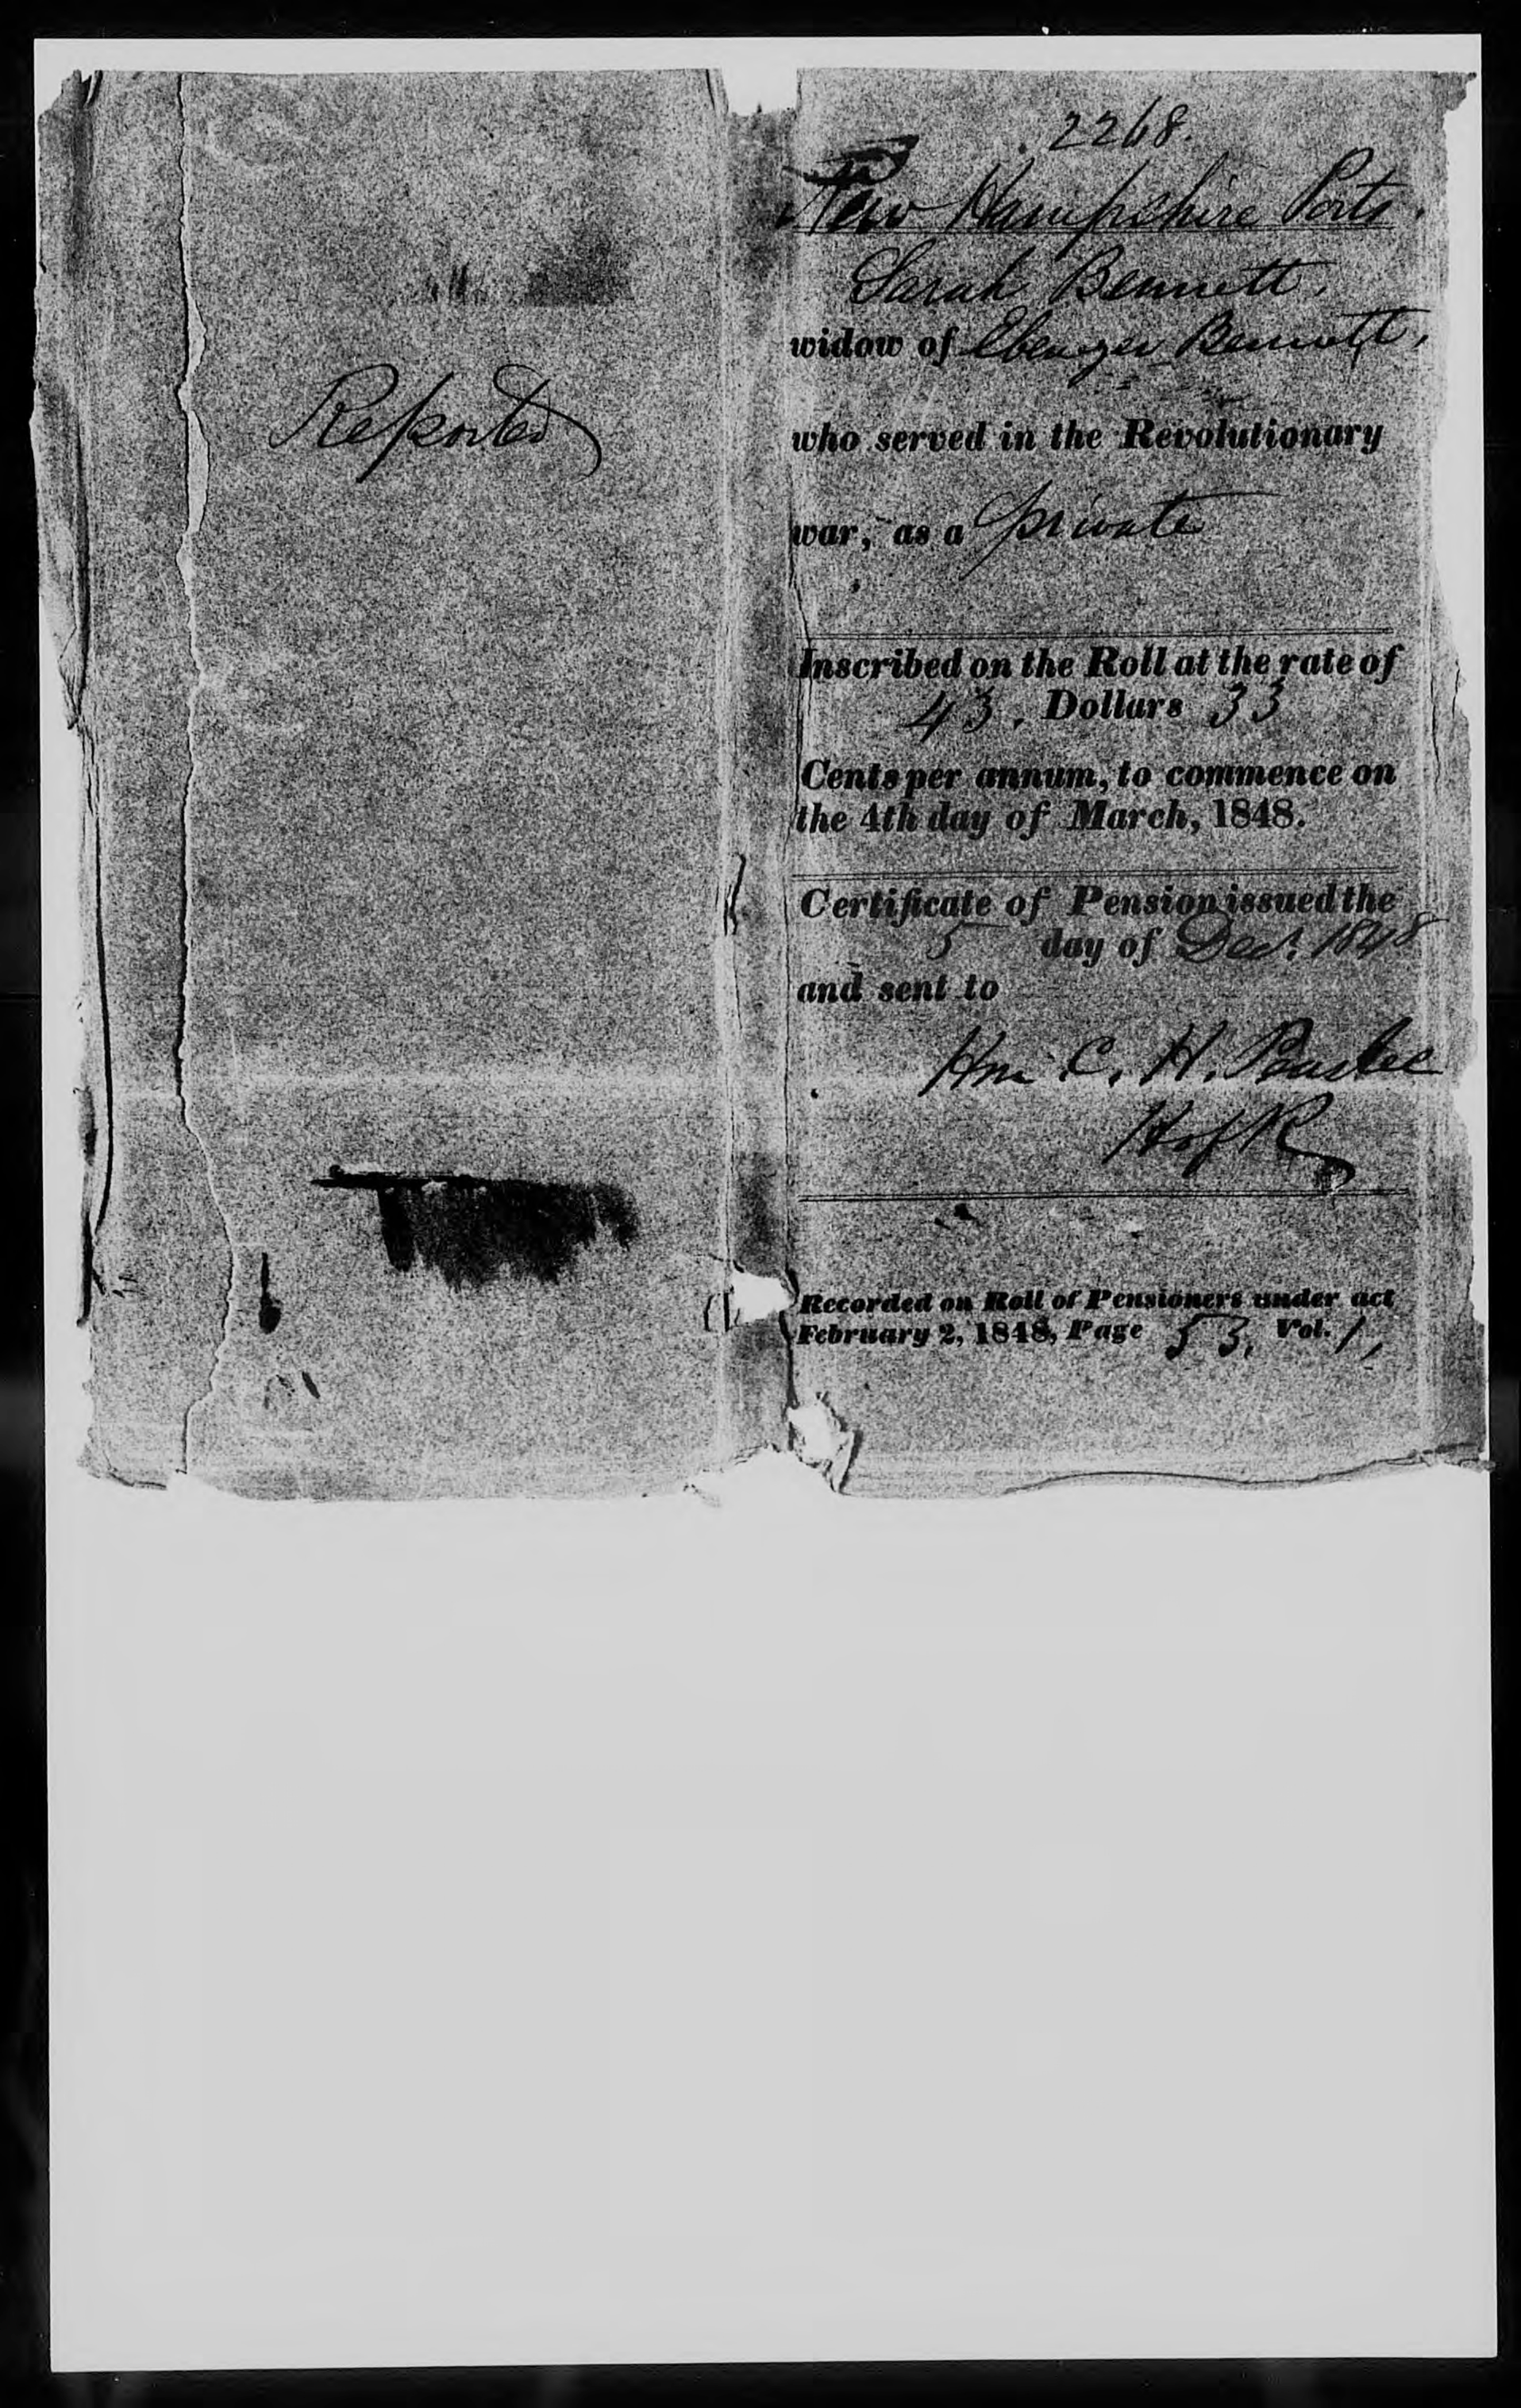[left side of page]
Reported

[right side of page]
2268
New Hampshire Ports
Sarah Bennett
widow of Ebenezer Bennett,
who served in the Revolutionary
war, as a private
Inscribed on the Roll at the rate of
43 Dollars 33
Cents per annum, to commence
the 4th day of March, 1848.
Certificate of Pension issued the
5 day of Dec. 1848
and sent to
Hon C. H. Peaslee
H of R
Recorded on Roll of Pensioners under act
February 2, 1848, Page 53, Vol. 1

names: C H Peaslee, Ebenezer Bennett, Sarah Bennett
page: 9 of 43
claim: widow's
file: W. 21665, Ebenezer Bennett, N. H. Privateer.